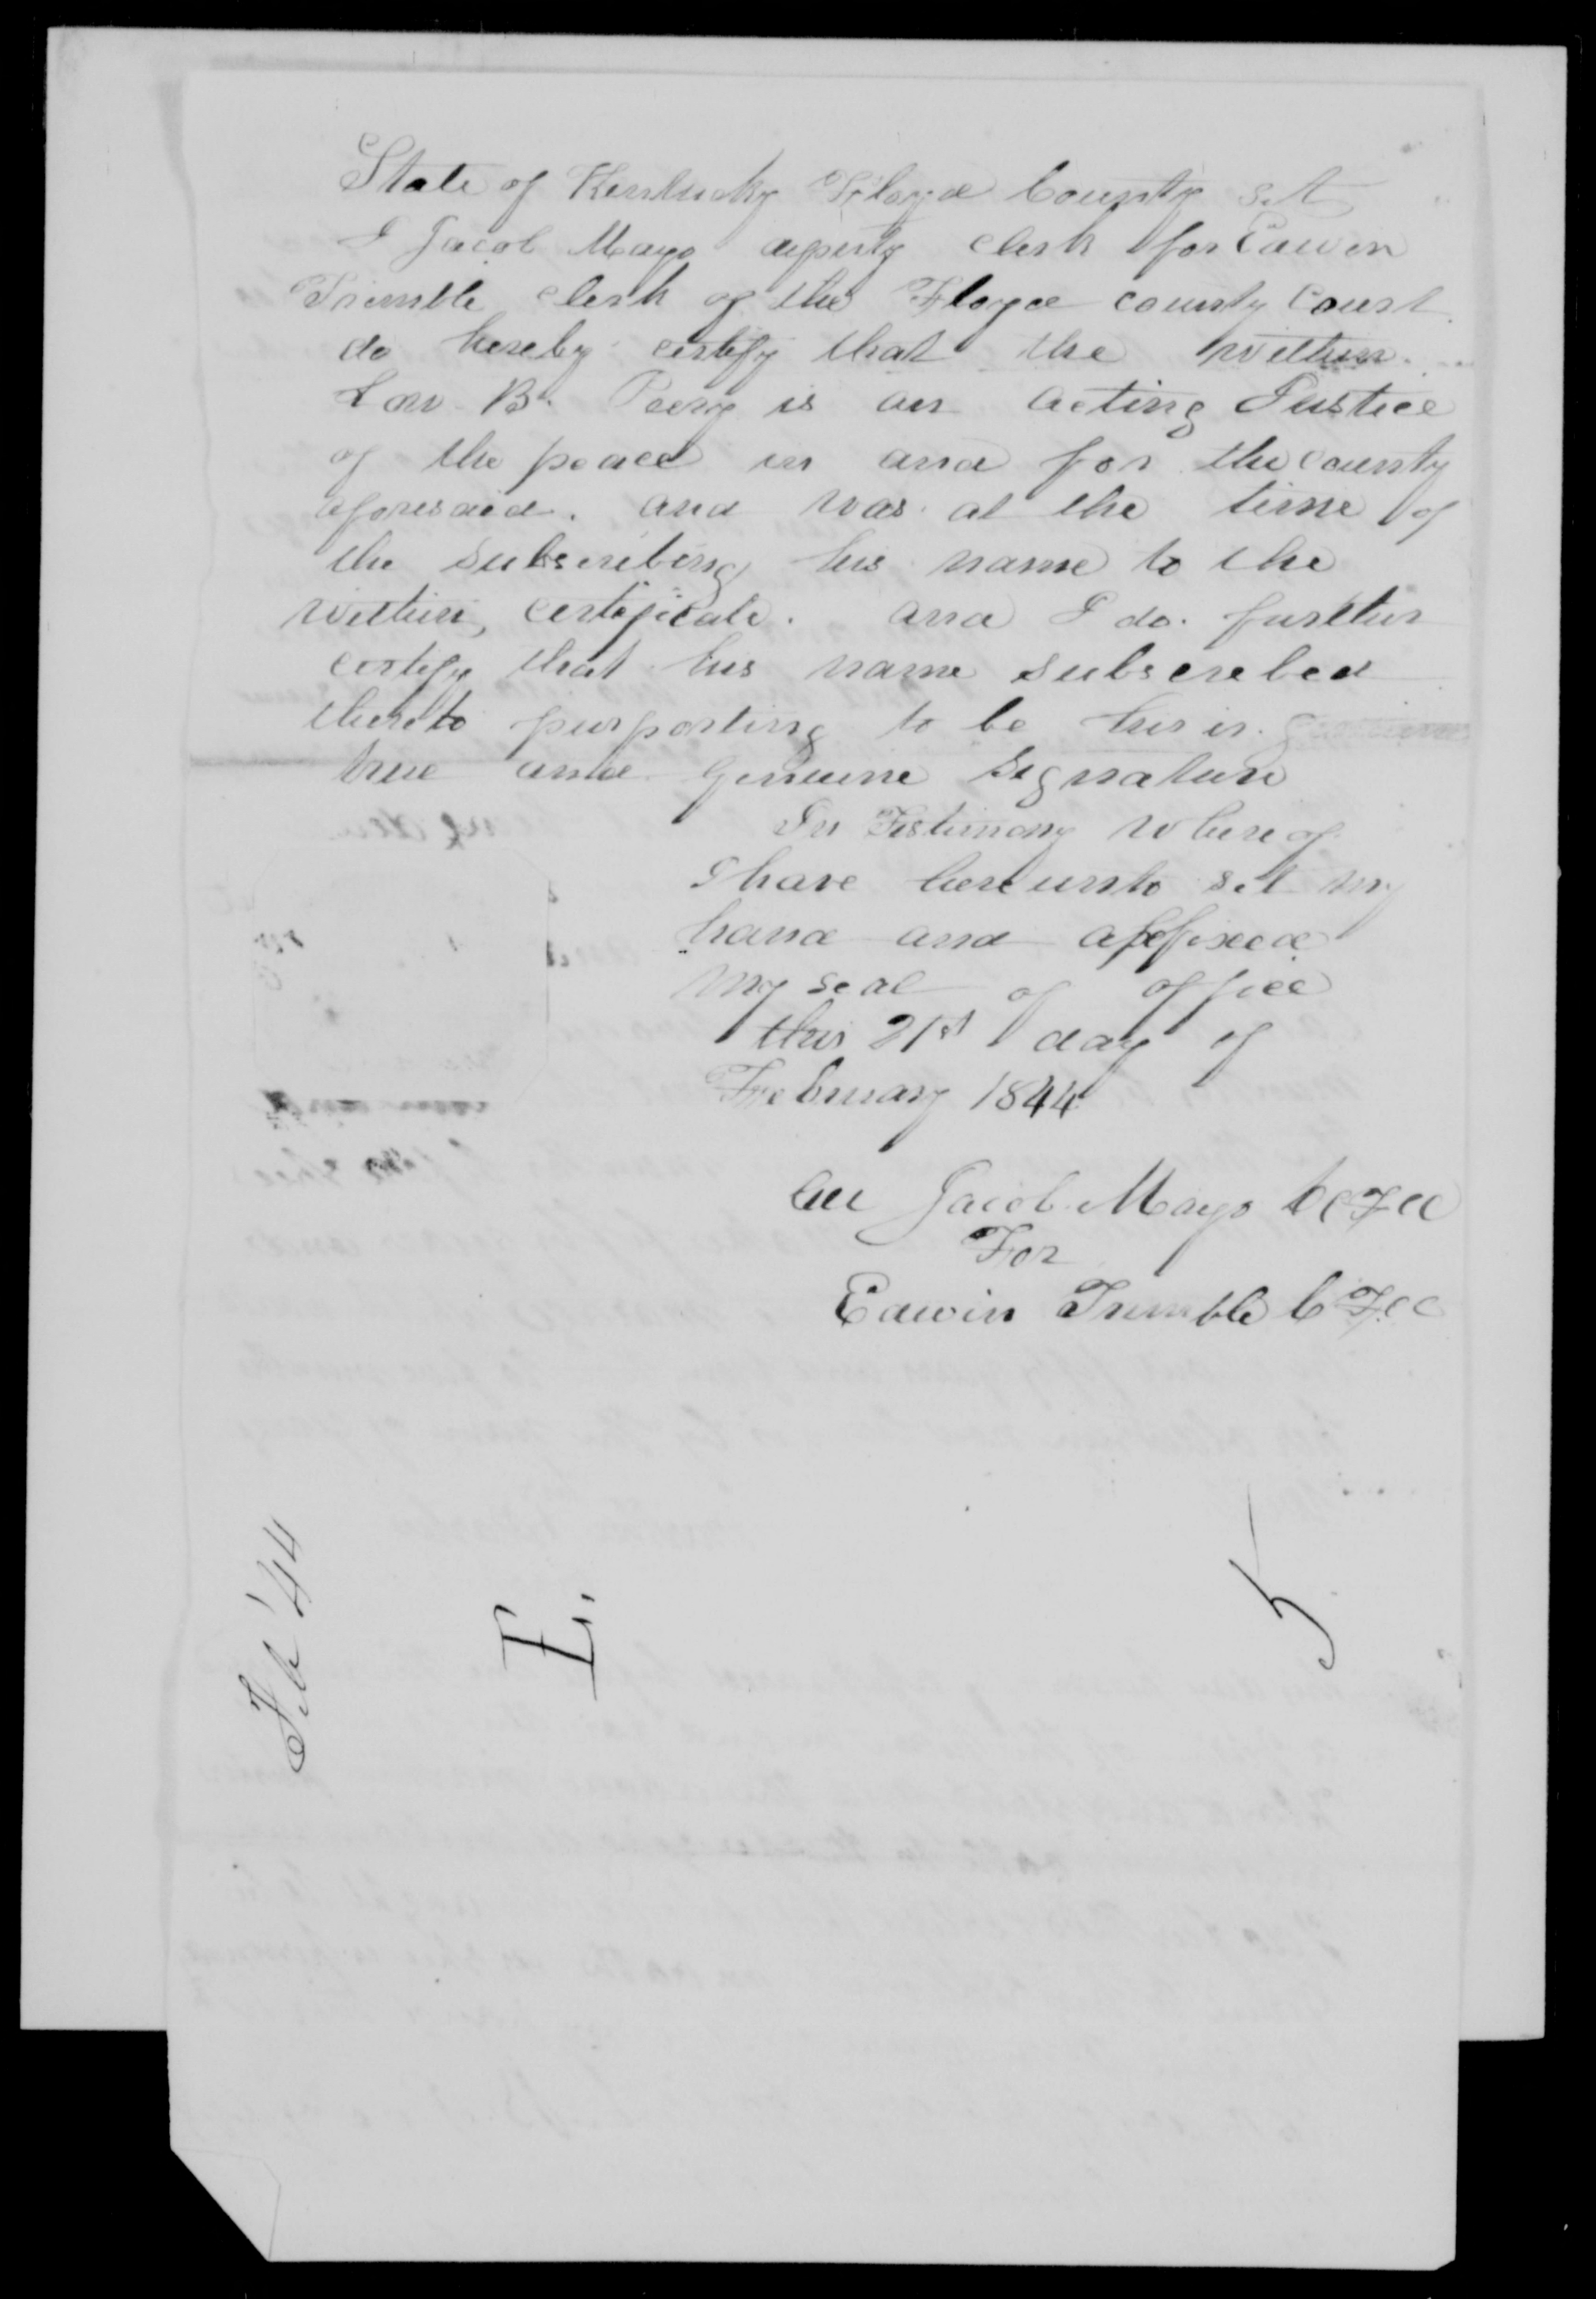State of Kentucky Floyd County Set
I Jacob Mayo deputy clerk for Edwin Trimble clerk of the Floyd county court do hereby certify that the witness Law B Perez is an acting Justice of the peace in and for the county aforesaid and was at the time of the subscribing his name to the within certificate and I do further certify that his name subscribed thereto purporting to be his is true and genuine Signature
In Testimony whereof I have hereunto set my hand and affixed my seal of office this 21st day of February 1844
Cl Jacob Mayo C OFCC
For
Edwin Trimble C FCC

Feb '44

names: B Pecky, Edwin Trimble, Jacob Mayo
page: 38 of 100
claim: widow's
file: W. 6437, Richard Wells, Ga Va.